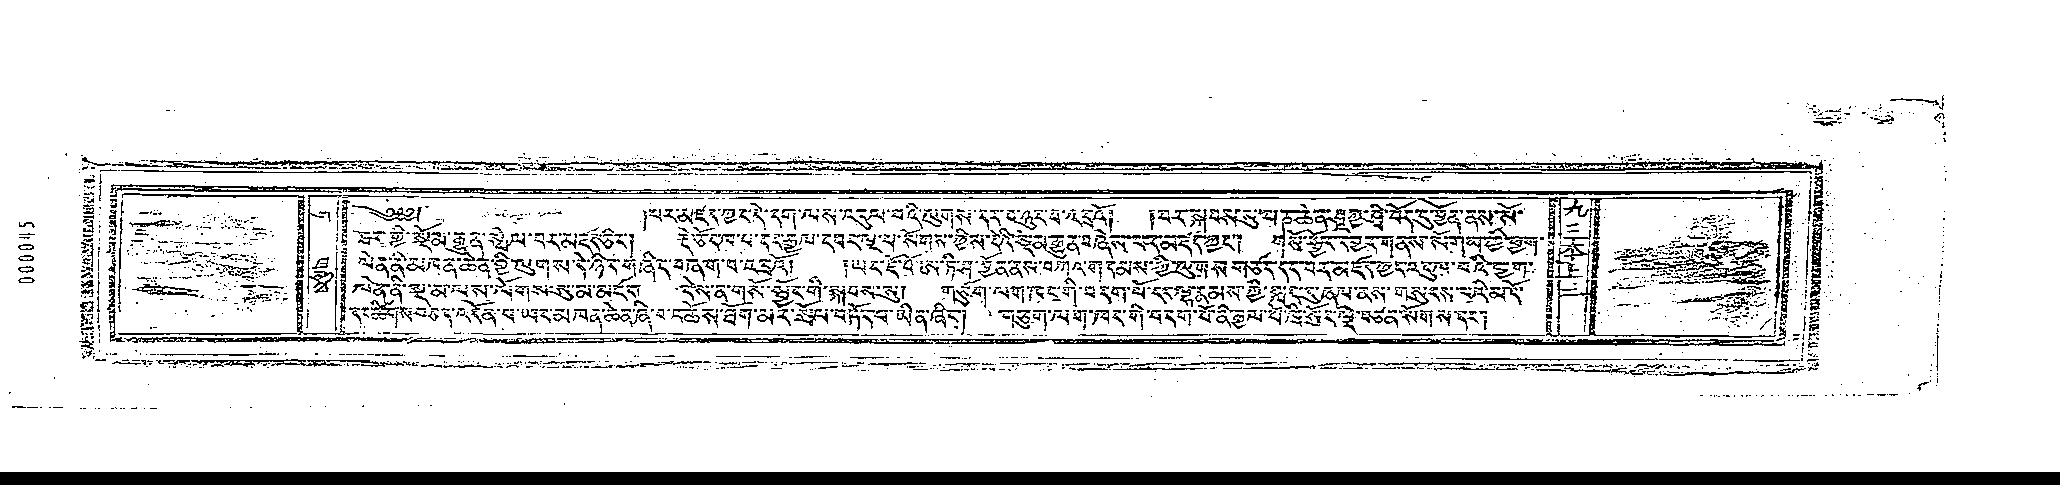༄༅༅། །པར་མཛད་ཀྱང་དེ་དག་ལས་འདུལ་བའི་ལུགས་དད་བ་ཉུང་བ་འདྲའོ། །བར་སྐབས་སུ་པཎ་ཆེན་ཤཱཀྱ་ཤི་བོད་དུ་བྱོན་ནས་སོ་
ཐར་གྱི་སྡོམ་རྒྱུན་སྤེལ་བར་མཛད་ཅིང་། རྗེ་ཙོང་ཁ་པ་དང་རྒྱལ་དབང་ལྔ་པ་སོགས་ཀྱིས་དེའི་སྡོམ་རྒྱུན་བཞེས་པར་མཛད་ཀྱང་། གསོ་སྦྱོང་དབྱར་གནས་སོགས་ཀྱི་ཕྱག་
ལེན་ནི་མཁན་ཆེན་གྱི་ལུགས་དེ་ཉིད་གཞིད་བཞག་པ་འདྲའོ། །ཡང་ཇོ་བོ་ཨ་ཏི་ཤ་བྱོན་ནས་བཀའ་གདམས་ཀྱི་ལུགས་གཙད་དར་པར་མཛད་ཀྱང་འདུལ་བའི་ཕྱག་
ལེན་ནི་སྔ་མ་ལས་ལོགས་སུ་མ་མཛད། དེས་ན་གསོ་སྦྱོང་གི་སྐབས་སུ། གཙུག་ལག་ཁང་གི་བདག་པོ་དང་ལྷ་རྣམས་ཀྱི་སླད་དུ་ཞལ་ནས་གསུངས་པའི་མདོ་
དང་ཚིགས་བཅད་འདོན་པ་ཡང་མཁན་ཆེན་ཞི་བ་འཚོས་ཐོག་མར་སྲོལ་བཏོད་པ་ཡིན་ཞིང་། གཙུག་ལག་ཁང་གི་བདག་པོ་ནི་རྒྱལ་པོ་ཁྲི་སྲོང་ལྡེ་བཙན་སོགས་དང་།